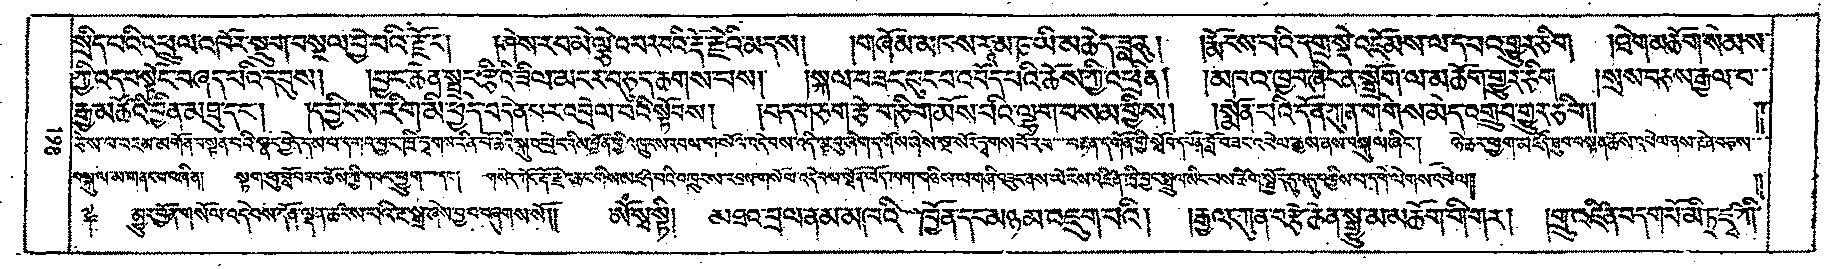སྲིད་པའི་འཕྲུལ་འཁོར་སྡུག་བསྔལ་བྱེ་བའི་རྫོང་། །ཤེས་རབ་མེ་ལྕེ་འབར་བའི་རྡོ་རྗེའི་མདས། །གཞོམ་མཁས་རཱ་མ་ཎ་ཡི་མཆེད་ཟླ་རུ། །རྨོངས་པའི་དགྲ་སྡེ་འཇོམས་ལ་དཔའ་གྱུར་ཅིག །ཐེག་མཆོག་སེམས་
ཀྱི་འདབ་སྟོང་བཞད་པའི་དབུས། །བྱང་ཆེན་སྦྲང་རྩིའི་ཟིལ་མངར་བཅུད་ཆགས་པས། །སྐལ་བཟང་བུང་བ་འབོད་པའི་ཆོས་ཀྱི་འཕྲིན། །མཁའ་ཁྱབ་ཟིང་ན་སྒྲོག་ལ་མཆོག་གྱུར་ཅིག །སྲས་བཅས་རྒྱལ་བ་
རྒྱ་མཚོའི་བྱིན་མཐུ་དང་། །དབྱིངས་རིག་མི་ཕྱེད་བདེན་པར་འབྲེལ་བའི་སྟོབས། །བདག་ཅག་རྩེ་གཅིག་མོས་པའི་ལྷག་བསམ་གྱིས། །སྨོན་པའི་དོན་ཀུན་གེགས་མེད་འགྲུབ་གྱུར་ཅིག ། །།
ཅེས་པ་འཇམ་མགོན་བསྟན་པའི་སྣང་བྱེད་དམ་པ་དགའ་བྱང་ཁྲི་དྭགས་རིན་པོ་ཆེའི་སྐུ་འཕྲེང་རིམ་བྱོན་གྱི་འཁྲུངས་རབས་གསོལ་འདེབས་འདི་ལྟ་བུ་ཞིག་དགོས་ཞེས་སྔ་སོར་དྭགས་པོ་རབ་བརྟན་དགོན་གྱི་སློབ་དཔོན་བློ་བཟང་འཕེལ་རྒྱས་ནས་བསྐུལ་ཞིང་། ཉེ་ཆར་ཕྱག་མཛོད་ཐུབ་བསྟན་ཆོས་འཕེལ་ནས་རྟེན་བཅས་
བསྐུལ་མ་གནང་བ་བཞིན། །སྟག་ཕུ་བློ་བཟང་ཆོས་ཀྱི་དབང་ཕྱུག་དང་། གསེར་ཀོང་རྡོ་རྗེ་འཆང་གིས་མཛད་པའི་འཁྲུངས་རབས་གསོལ་འདེབས་སྔོན་ཡོད་ཁག་གཉིས་ལ་གཞི་བཟུང་ནས་ཡོངས་འཛིན་ཁྲི་བྱང་སྤྲུལ་མིང་པས་ཚིག་སྦྱོར་དུ་འདུ་བགྱིས་པ་དགེ་ལེགས་འཕེལ།། །།
༈ མྱུར་བྱོན་གསོལ་འདེབས་དོན་ལྡན་ཚངས་པའི་རྔ་སྒྲ་ཞེས་བྱ་བ་བཞུགས་སོ། །ཨོཾ་སྭ་སྟི། མཐའ་བྲལ་ནམ་མཁའི་ཁྱོན་དང་མཉམ་འཇུག་པའི། །རྒྱལ་ཀུན་བརྩེ་ཆེན་སྒྱུ་མ་མཆོག་གི་གར། །གྲུ་འཛིན་བདག་པོ་མི་ཏྲ་ཛྭའ་ཀི་